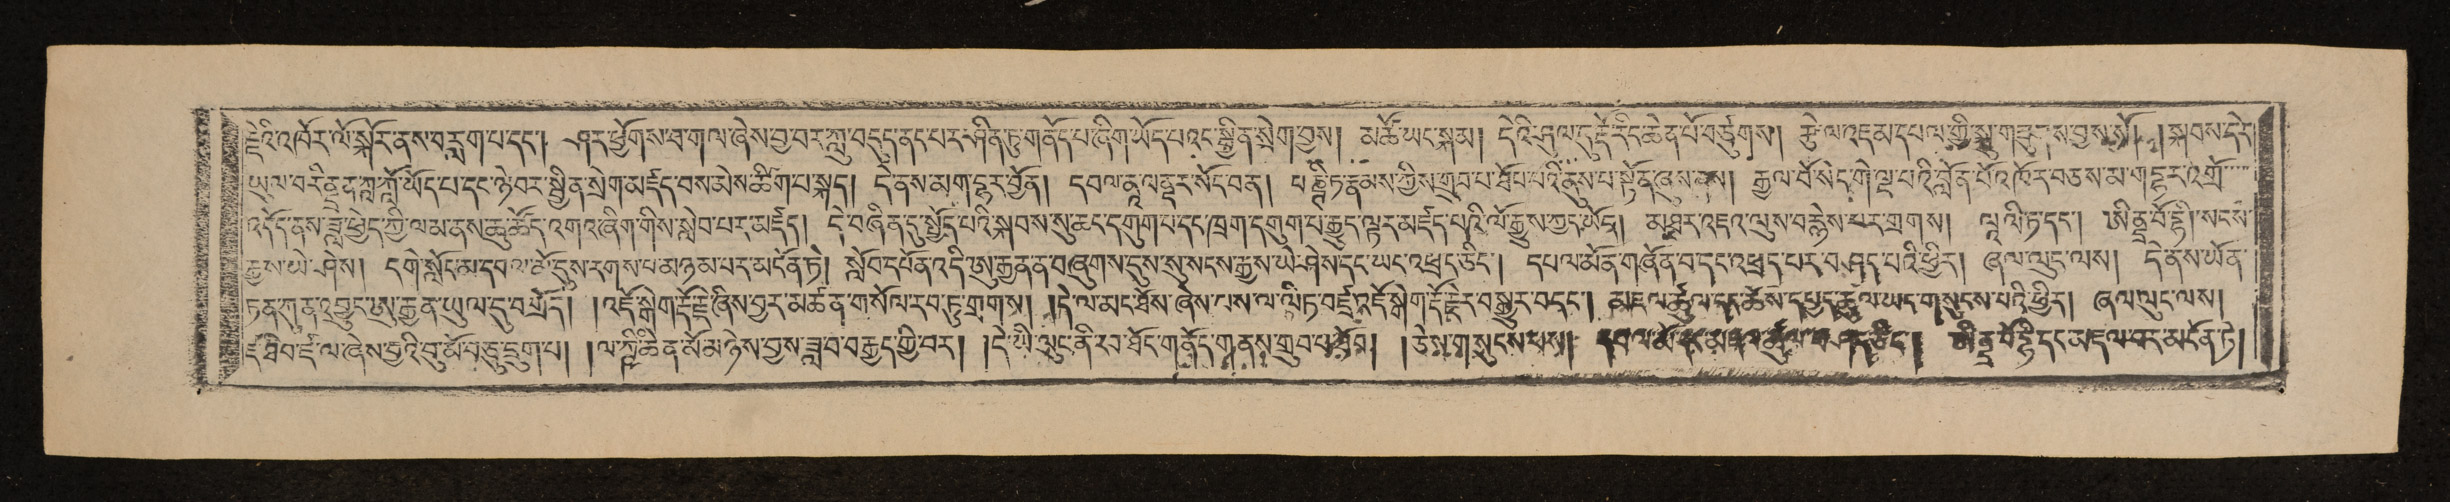རྗེའི་འཁོར་ལོ་སྐོར་ནས་བརླག་པ་དང་། ཤར་ཕྱོགས་བ་ག་ལ་ཞེས་བྱ་བར་ཀླུ་བདུད་ནང་པར་ཤིན་ཏུ་གནོད་པ་ཞིག་ཡོད་པའང་སྦྱིན་སྲེག་བྱས། མཚོ་ཡང་སྐམ། དེའི་ཤུལ་དུ་རྡོ་རིང་ཆེན་པོ་བཙུགས། རྩེ་ལ་འཇམ་དཔལ་གྱི་སྐུ་གཟུགས་བྱས་སོ། །སྐབས་དེར་
ཡུལ་བ་རེནྡྲ་ན་ཀླ་ཀློ་ཡོད་པ་དང་ཉེ་བར་སྦྱིན་སྲེག་མཛད་བས་མེས་ཚིག་བསྐད། དེ་ནས་མ་ག་དྷར་བྱོན། དཔལ་ནཱ་ལནྡར་སོང་བ་ན། པཎྜི་ཏ་རྣམས་ཀྱིས་གྲུབ་པ་ཐོབ་བའི་ནུས་པ་སྟོན་ཞུས་ནས། རྒྱལ་པོ་སེང་གེ་ལྔ་པའི་བློན་པོ་འཁོར་བཅས་མ་ག་དྷར་འགྲོ་
འདོད་ནས་ཟླ་ཕྱེད་ཀྱི་ལམ་ནས་ཆུ་ཚོད་འགའ་ཞིག་གིས་སླེབ་པར་མཛད། དེ་བཞིན་དུ་སྤྱོད་པའི་སྐབས་སུ་ཆང་དགུག་པ་དང་ཁྲག་དགུག་པ་རྒྱུད་ལྟར་མཛད་པའི་ལོ་རྒྱུས་ཀྱང་ཡོད། མཐར་འཇའ་ལུས་བརྙེས་པར་གྲགས། ལཱ་ལི་ཏ་དང་། ཨིནྡྲ་བོ་དྷི། སངས་
རྒྱས་ཡེ་ཤེས། དགེ་སློང་མ་དཔལ་མོ་དུས་རགས་པ་མཉམ་པར་མངོན་ཏེ། སློབ་དཔོན་འདི་ཨུ་རྒྱན་ན་བཞུགས་དུས་སུ་སངས་རྒྱས་ཡེ་ཤེས་དང་ཡང་འཕྲད་ཅིང་། དཔལ་མོན་གཞོན་པ་དང་འཕྲད་པར་བཤད་པའི་ཕྱིར། ཞལ་ལུང་ལས། དེ་ནས་ཡོན་
ཏན་ཀུན་འབྱུང་ཨུ་རྒྱན་ཡུལ་དུ་བགྲོད། །འཇོ་སྒེག་རྡོ་རྗེ་ཞེས་བྱར་མཚན་གསོལ་རབ་ཏུ་གྲགས། །དེ་ལ་མང་ཐོས་ཞེས་པས་ལ་ལི་ཏ་བཛྲ་འཇོ་སྒེག་རྡོ་རྗེར་བསྒྱུར་བ་དང་། མཇལ་ཚུལ་དང་ཆོས་དཔྱད་ཚུལ་ཡང་གསུངས་པའི་ཕྱིར། ཞལ་ལུང་ལས།
ཛ་ཐིབ་ཛ་ལ་ཞེས་བྱའི་བུ་མོ་བཅུ་དྲུག་པ། །ལཀྵིཾ་ཆེན་མོ་མཉེས་བྱས་ཟླ་བ་བརྒྱད་ཀྱི་བར། །དེ་ཡི་ལུང་ནི་རབ་ཐོབ་གནོད་གནས་གྲུབ་པ་ཐོབ། །ཅེས་གསུངས་པས། དཔལ་མོ་དང་མཇལ་ཚུལ་བཤད་ཅིང་། ཨིནྡྲ་བོ་དྷི་དང་མཇལ་བར་མངོན་ཏེ།